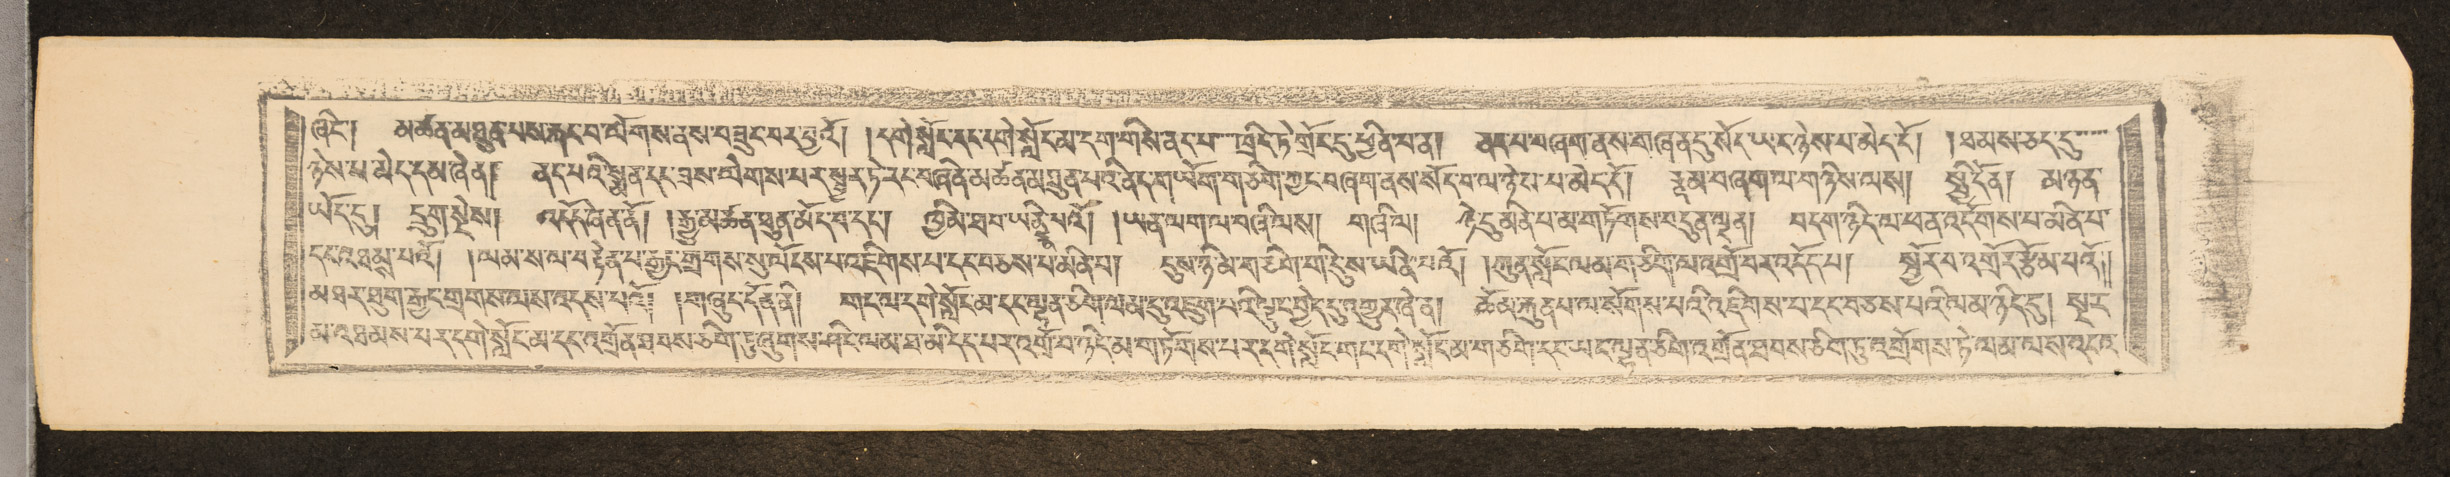ཞིང་། མཚན་མཐུན་པས་རྐང་པ་ལོགས་ནས་བཟུང་བར་བྱའོ། །དགེ་སློང་དང་དགེ་སློང་མ་དག་གིས་ནད་པ་ཁྲིད་ཏེ་གྲོང་དུ་ཕྱིན་པ་ན། ནད་པ་བཞག་ནས་གཞན་དུ་སོང་ཡང་ཉེས་པ་མེད་དོ། །ཐམས་ཅད་དུ་
ཉེས་པ་མེད་དམ་ཞེ་ན། ནད་པའི་སྨན་དང་ཟས་ལེགས་པར་སྦྱར་ཏེ་རང་བཞིན་མཚན་མཐུན་པའི་ནད་གཡོག་གཅིག་ཀྱང་བཞག་ནས་སོད་པ་ལ་ཉེས་པ་མེད་དོ། །རྣམ་བཞག་ལ་གཉིས་ལས། སྤྱི་དོན། མཉན་
ཡོད་དུ། དྲུག་སྡེས། འདོད་ཞེན་ནོ། །རྒྱུ་མཚན་ཐུན་མོང་བ་དང་། ཁྱིམ་ཐབ་ཡིན་པའོ། །ཡན་ལག་ལ་བཞི་ལས། གཞི་ལ། ཉེ་དུ་མིན་པ་མ་གཏོགས་བདུན་ལྡན། བདག་ཉིད་ལ་ཕན་འདོགས་པ་མིན་པ་
དང་འཐས་པའོ། །ལམ་ས་ལ་བརྟེན་པ་རྒྱང་གྲགས་སུ་ལོངས་མ་འཇིགས་པ་དང་བཅས་པ་ཡིན་བ། དུས་ཉི་ས་གཅིག་གི་དུས་ཡིན་པའོ། །ཀུན་སློང་ལམ་གཅིག་ལ་འགྲོ་བར་འདོད་པ། སྦྱོར་བ་འགྲོར་རྩོམ་པའོ།།
མཐར་ཐུག་རྒྱང་གྲགས་ལས་འདས་པའོ། །གཞུང་དོན་ནི། གང་ལ་དགེ་སློང་མ་དང་ལྷན་ཅིག་ལམ་དུ་འཇུག་པའི་ལྟུང་བྱེད་དུ་འགྱུར་ཞེ་ན། ཆོམ་རྐུན་པ་ལ་སོགས་པའི་འཇིགས་པ་དང་བཅས་པའི་ལམ་ཉིད་དུ། སྔར་
མ་འཐམས་པར་དགེ་སློང་མ་དང་འགྲོན་ཐབས་ཅིག་ཏུ་ཞུགས་ཤིང་ལམ་ཐ་མི་དད་པར་འགྲོ་བ་ཉིད་མ་གཏོགས་པར་དགེ་སློང་གང་དགེ་སློང་མ་གཅིག་དང་ཡང་ལྷན་ཅིག་འགྲོན་ཐབས་ཅིག་ཏུ་འགྲོགས་ཏེ་ལམ་ལས་འདའ་